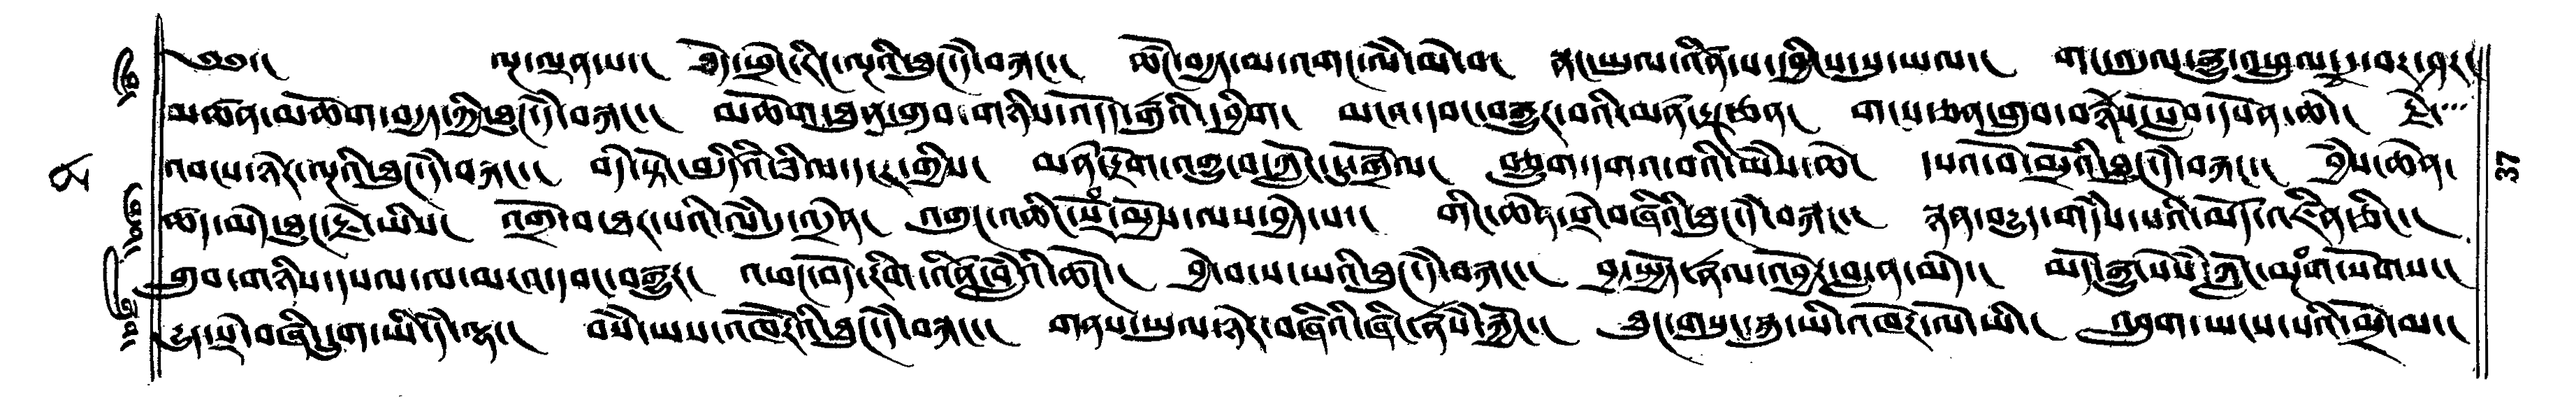ལྔ་ལྡན་པ། །ཐོད་ཕྲེང་རིགས་ལྔའི་ཐུགས་དམ་བསྐང་། །ཚོགས་བརྒྱད་མ་འགགས་ལམ་མེ་བ། །སྣང་ཡུལ་འཛིན་པ་དབྱིངས་སུ་ཡལ། །གང་འདུལ་སྒྱུ་འཕྲུལ་དྲྭ་བར་ཤར། །
མཚན་མཆོག་བརྒྱད་ཀྱི་ཐུགས་དམ་བསྐང་། །མཆོག་ཐུན་གྲུབ་གཉིས་འདོད་རྒུའི་དབྱིག །མངའ་དབང་སྒྱུར་བའི་མཚན་རྟགས་ཅན། །གངས་ཅན་གྲུབ་བརྙེས་སློབ་དཔོན་ཆེ། །རྗེ་
འབངས་ཉེར་ལྔའི་ཐུགས་དམ་བསྐང་། །བདེ་སྟོང་བདུད་རྩིའི་ཟིལ་མངར་གྱིས། །མཚན་རྟོག་འགྱུ་བ་ཀློང་དུ་སྒྲོལ། །བཅུ་དྲུག་དགའ་བའི་ཡེ་ཤེས་ཆེ། །དཔའ་བོ་མཁའ་འགྲོའི་ཐུགས་དམ་བསྐང་། །བྱམས་ཆེན་
ཚད་མེད་ཐུགས་རྗེ་ཡིས། །འགྲོ་བ་ཐར་པའི་ལམ་དུ་འདྲེན། །འགུགས་འཆིང་སྡོམ་མྱཽས་ལས་བྱེད་པ། །གིང་ཆེན་སྡེ་བཞིའི་ཐུགས་དམ་བསྐང་། །སྙན་བརྒྱུད་གདམས་པའི་མཚོད་འཛིན་ཅིང་། །
གྲུབ་གཉིས་དཔལ་ལ་མངའ་དབང་བསྒྱུར། །འཕགས་བོད་རིག་འཛིན་བླ་མའི་ཚོགས། །བྱེ་བ་ས་ཡའི་ཐུགས་དམ་བསྐང་། བྱ་སྤྱོད་རྣལ་འབྱོར་བླ་ན་མེད། །མདོ་སྒྱུ་སེམས་ཀློང་མན་ངག་སོགས། །
རྒྱུད་སྡེ་བཞི་དྲུག་ཡི་དམ་ལྷ། །བསམ་ཡས་འཁོར་ལོའི་ཐུགས་དམ་བསྐང་། གནས་ཡུལ་ཉེར་བཞིའི་ཞིང་རྣམས་སྐྱོང་། །ཐུགས་གསུང་སྐུ་ཡི་འཁོར་ལོ་ཡི། འབུམ་ཕྲག་ཡངས་པའི་མཁའ་འགྲོ་མ།